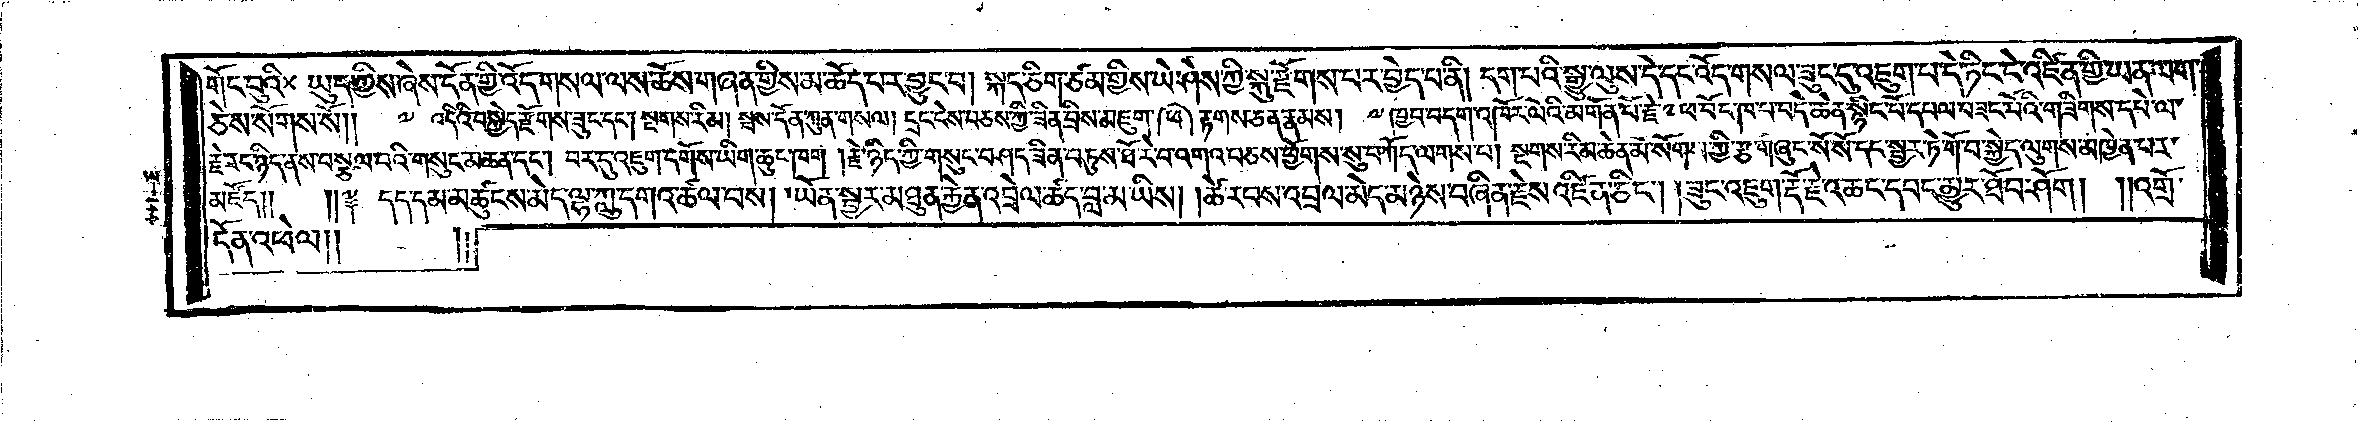གོང་བུའི྾་ཡུད་གྱིས་ཞེས་དོན་གྱི་འོད་གསལ་ལས་ཆོས་གཞན་གྱིས་མ་ཆོད་པར་བྱུང་བ། སྐད་ཅིག་ཙམ་གྱིས་ཡེ་ཤེས་ཀྱི་སྐུ་རྫོགས་པར་བྱེད་པ་ནི། དག་པའི་སྒྱུ་ལུས་དེ་དང་འོད་གསལ་ཟུང་དུ་འཇུག་པ་དེ་ཏིང་ངེ་འཛིན་གྱི་ཡན་ལག་
ཅེས་སོགས་སོ།།༧་འདིའི་བསྐྱེད་རྫོགས་ཟུང་དང་། སྔགས་རིམ། སྦས་དོན་ཀུན་གསལ། དྲང་ངེས་བཅས་ཀྱི་ཟིན་བྲིས་མཇུག ༼ཕ༽ རྟགས་ཅན་རྣམས། ༧ཁྱབ་བདག་འཁོར་ལོའི་མགོན་པོ་རྗེ ༧ཕ་བོང་ཁ་བ་བདེ་ཆེན་སྙིང་པོ་དཔལ་བཟང་པོའི་གཟིགས་དཔེ་ལ་
རྗེ་བང་ཉིད་ནས་བསྩལ་བའི་གསུང་མཚན་དང་། བར་དུ་འཇུག་དགོས་ཡིག་ཆུང་ཁག །རྗེ་ཉིད་ཀྱི་གསུང་བཤད་ཟིན་བཏུས་ཐོ་རེ་བ་འགའ་བཅས་ཕྱོགས་སུ་བཀོད་ལགས་པ། སྔགས་རིམ་ཆེན་མོ་སོགས་ཀྱི་རྩ་གཞུང་སོ་སོ་དང་སྦྱར་ཏེ་གོ་བ་སྐྱེད་ལུགས་མཁྱེན་པར་
མཛོད།། །།༈ དད་དམ་མཚུངས་མེད་ལྷ་ཀླུ་དགའ་ཚལ་བས། །ཡོན་སྦྱར་མཐུན་རྐྱེན་འབྲེལ་ཚད་བླ་མ་ཡིས། །ཚེ་རབས་འབྲེལ་མེད་མཉེས་བཞིན་རྗེས་འཛིན་ཅིང་། །ཟུང་འཇུག་རྡོ་རྗེ་འཆང་དབང་མྱུར་ཐོབ་ཤོག། །།འགྲོ་
དོན་འཕེལ།། །།